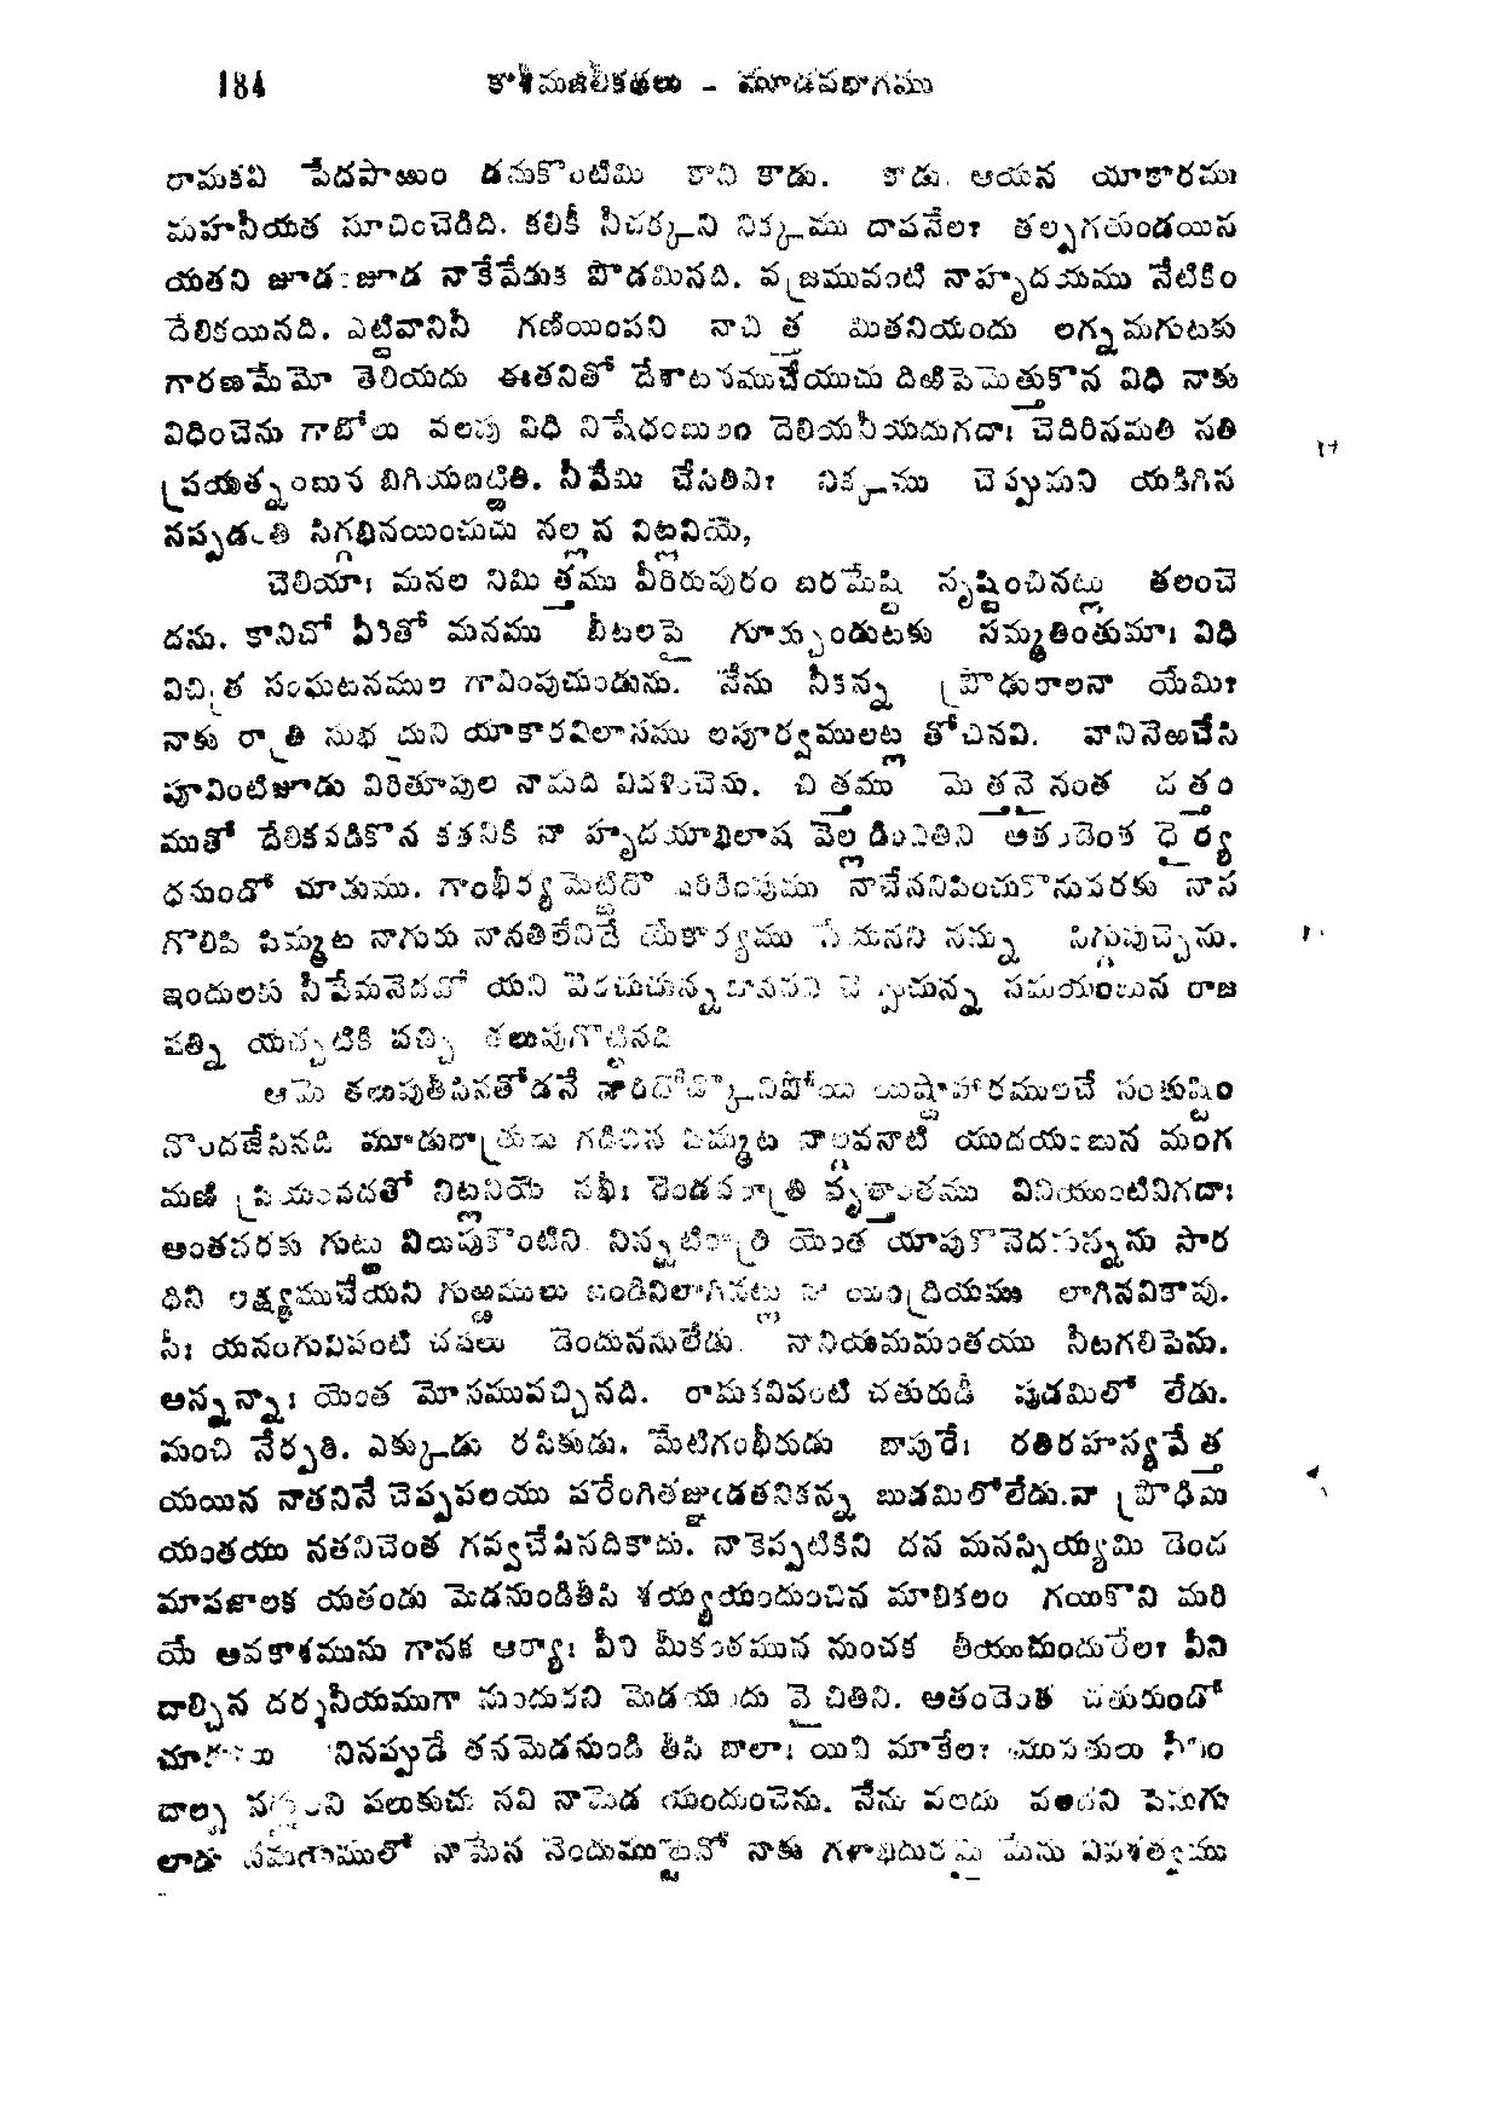రామకవి పేదపాఱుం డనుకొంటిమి కాని కాడు. కాడు. ఆయన యాకారము మహనీయత సూచించెడిది. కలికీ నీచక్కని నిక్కము దాపనేల? తల్పగతుండయిన యతని జూడంజూడ నాకేవేడుక పొడమినది. వజ్రమువంటి నాహృదయము నేటికిం దేలికయినది. ఎట్టివానినీ గణియింపని నాచిత్త మితనియందు లగ్నమగుటకు గారణమేమో తెలియదు. ఈతనితో దేశాటనముచేయుచు దిఱిపెమెత్తుకొన విధి నాకు విధించెను గాబోలు వలపు విధి నిషేధంబులం దెలియనీయదుగదా? చెదిరినమతి నతి ప్రయత్నంబున బిగియబట్టితి. నీవేమి చేసితివి? నిక్కము చెప్పుమని యడిగిన నప్పడంతి సిగ్గభినయించుచు నల్లన నిట్లనియె.

చెలియా! మనల నిమిత్తము వీరిరువురం బరమేష్టి సృష్టించినట్లు తలంచెదను. కానిచో వీరితో మనము బీటలపై గూర్చుండుటకు సమ్మతింతుమా? విధి విచిత్ర సంఘటనముల గావింపుచుండును. నేను నీకన్న ప్రౌఢురాలనా యేమి ? నాకు రాత్రి సుభద్రుని యాకారవిలాసము లపూర్వములట్ల తోచినవి. వానినెఱచేసి పూవింటిజూడు విరితూపుల నామది విదళంచెను. చిత్తము మెత్తనైనంత దత్తంముతో దేలికవడికొన కతనికి నా హృదయాభిలాష వెల్లడించితిని ఆతడెంత ధైర్యధనుండో చూడుము. గాంభీర్య మెట్టిదొ బరికింపుము నాచేననిపించుకొనువరకు నాస గొలిపి పిమ్మట నాగురు నానతిలేనిదే యేకార్యము సేయనని నన్ను సిగ్గుపుచ్చెను. ఇందులకు నీవేమనెదవో యని వెరచుచున్నదాననని చెప్పుచున్న సమయంబున రాజపత్ని యచ్చటికి వచ్చి తలుపుగొట్టినది.

ఆమె తలుపుతీసినతోడనే వారి దోడ్కొనిపోయి యిష్టాహారములచే సంతుష్టిం నొందజేసినది మూడురాత్రులు గడిచిన పిమ్మట నాల్గవనాటి యుదయంబున మంగమణి ప్రియంవదతో నిట్లనియె సఖీ! రెండవరాత్రి వృత్తాంతము వినియుంటివిగదా! అంతవరకు గుట్టు నిలుపుకొంటిని. నిన్నటిరాత్రి యెంత యాపుకొనెదమన్నను సారథిని లక్ష్యముచేయని గుఱ్ఱములు బండినిలాగినట్లు నా యింద్రియము లాగినవికావు. సీ! యనంగునివంటి చపలు డెందుననులేడు. నానియమమంతయు నీటగలిపెను. అన్నన్నా! యెంత మోసమువచ్చినది. రామకవివంటి చతురుడీ పుడమిలో లేడు. మంచి నేర్పరి. ఎక్కుడు రసికుడు. మేటిగంభీరుడు బాపురే! రతిరహస్యవేత్త యయిన నాతనినే చెప్పవలయు పరేంగితజ్ఞుఁడతనికన్న బుడమిలోలేడు. నా ప్రౌఢిమి యంతయు నతనిచెంత గవ్వచేసినదికాదు. నాకెప్పటికిని దన మనస్సియ్యమి డెంద మాపజాలక యతండు మెడనుండితీసి శయ్యయందుంచిన మాలికలం గయికొని మరి యే అవకాశమును గానక ఆర్యా! వీని మీకంఠమున నుంచక తీయుచుందురేల? వీని దాల్చిన దర్శనీయముగా నుందురని మెడయందు వైచితిని. ఆతండెంత చతురుండో చూడుము ననినప్పుడే తనమెడనుండి తీసి బాలా! యివి మాకేల? యువతులు వీనిం దాల్చ నర్హులని పలుకుచు నవి నామెడ యందుంచెను. నేను వలదు వలదని పెనుగులాడు సమయములో నామేన నెందుముట్టెనో నాకు గళాభిదురమై మేను వివశత్వము